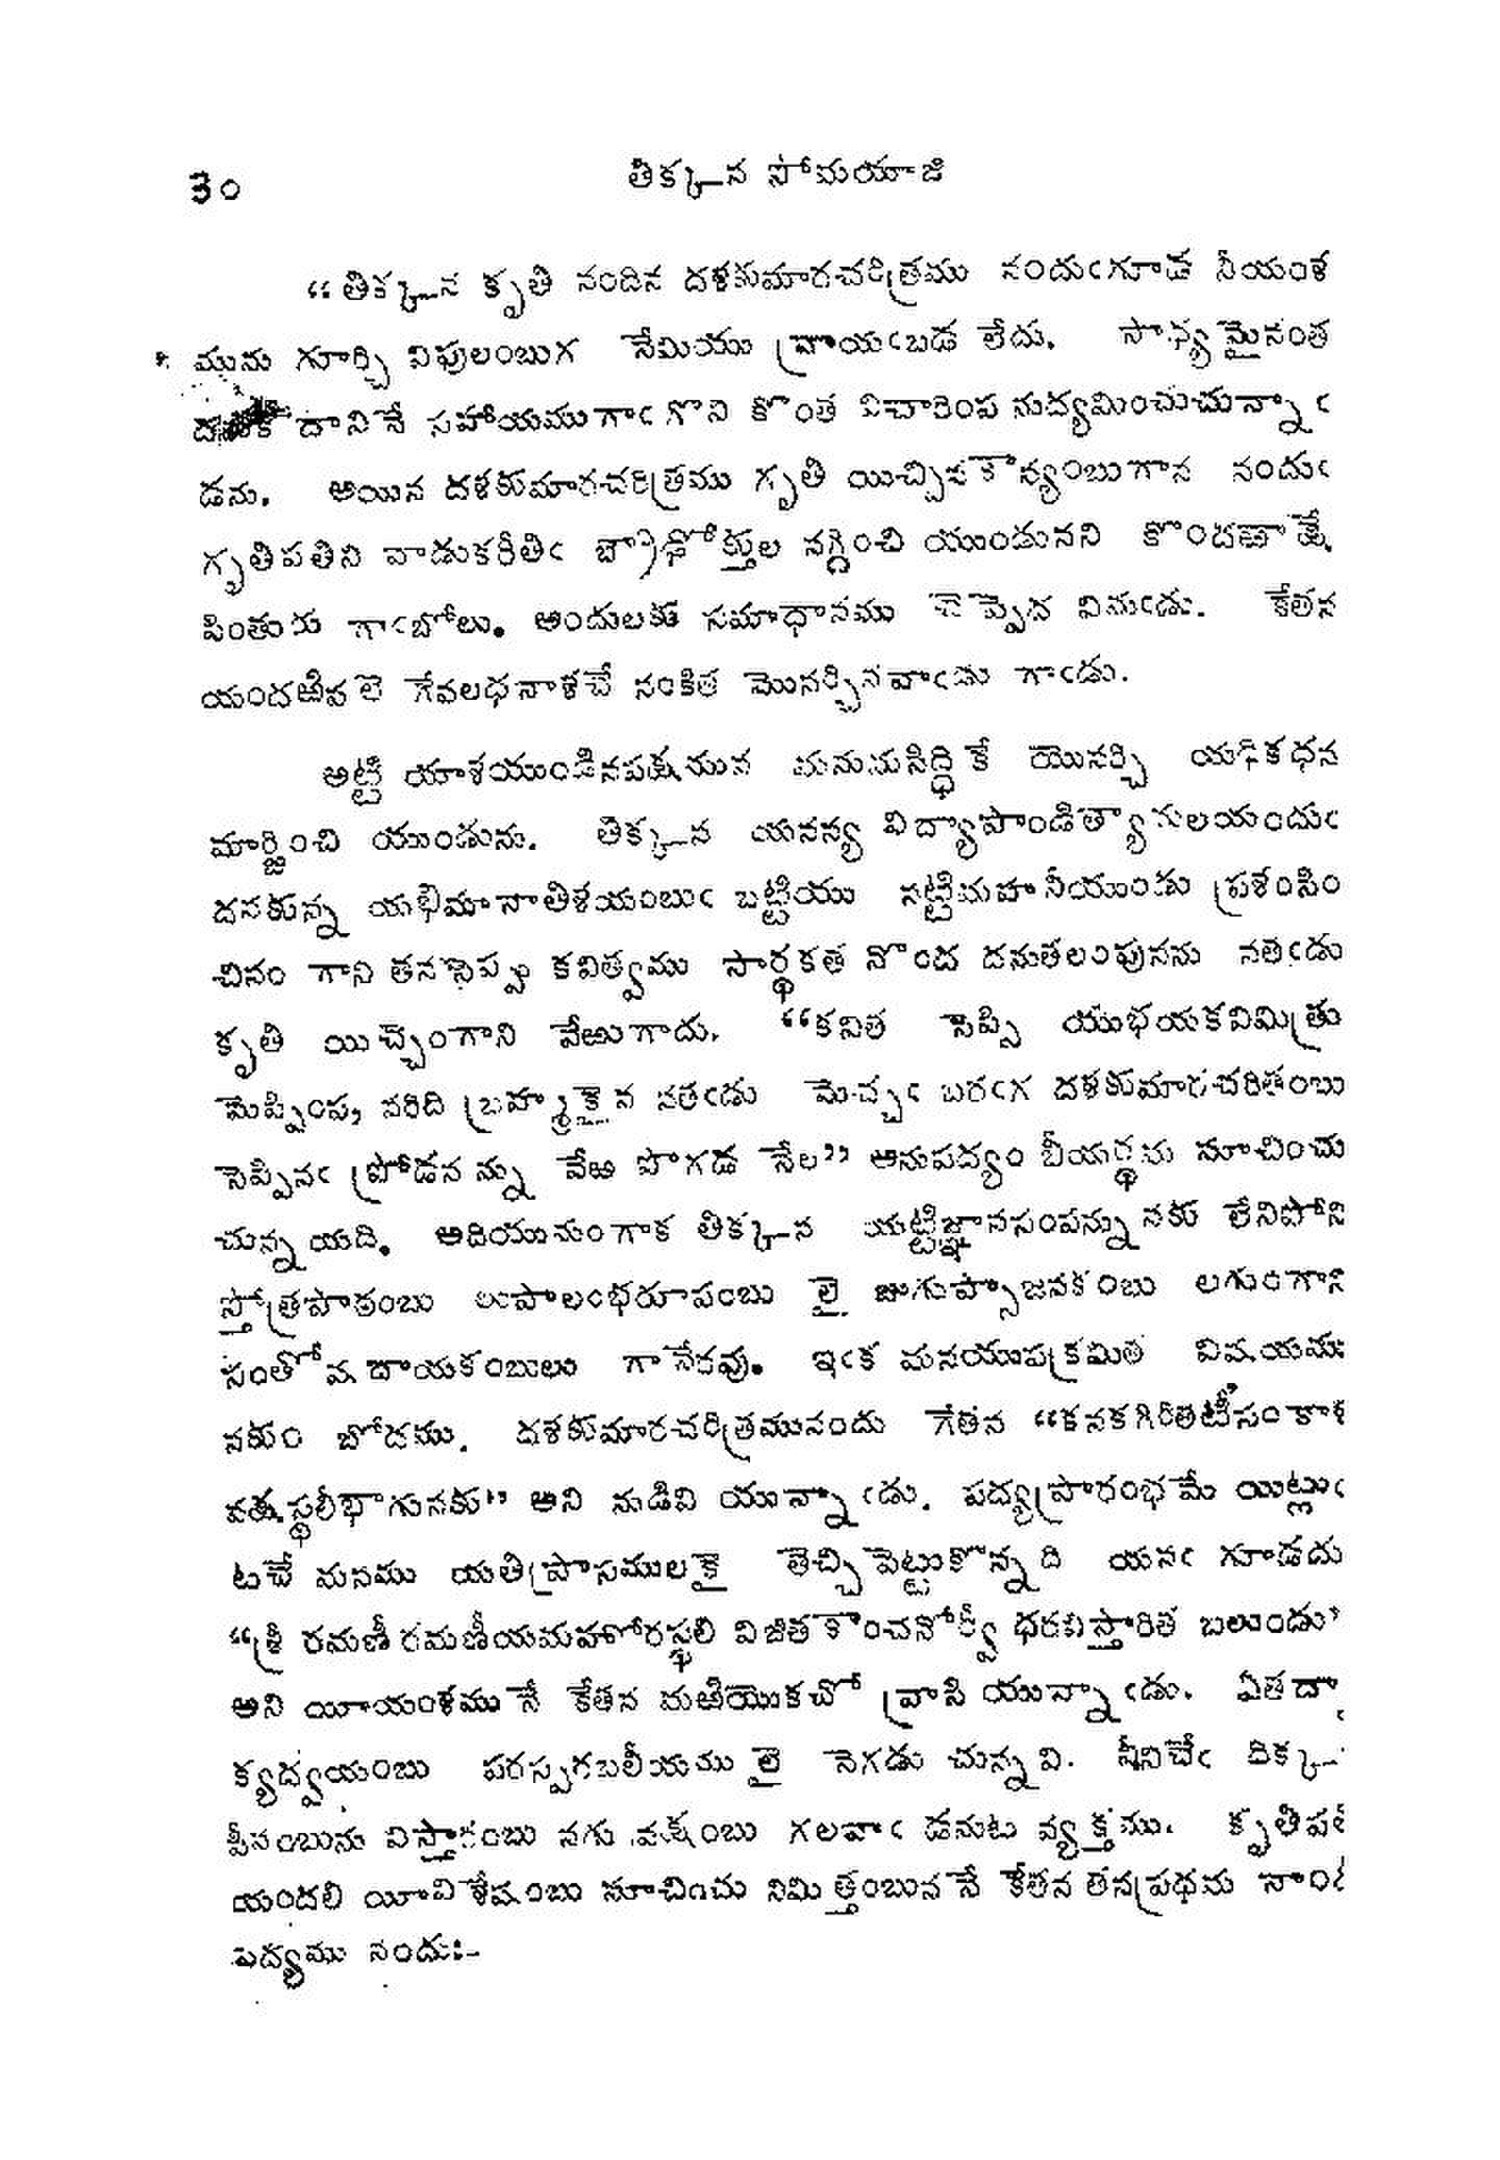"తిక్కన కృతి నందిన దశకుమారచరిత్రము నందుఁగూడ నీయంశమును గూర్చి విపులంబుగ నేమియు వ్రాయఁబడ లేదు. సాధ్యమైనంత దనుక దానినే సహాయముగాఁగొని కొంత విచారింప నుద్యమించుచున్నాడను, అయిన దశకుమారచరిత్రము గృతి యిచ్చినకావ్యంబుగాన నందుఁ గృతిపతిని వాడుకరీతిఁ బ్రౌడోక్తుల నగ్గించి యుండునని కొందఱాక్షేపింతురు గాఁబోలు. అందులకు సమాధానము చెప్పెద వినుఁడు. కేతన యందఱివలె గేవలధనాశచే నంకిత మొనర్చినవాఁడు గాఁడు.

అట్టి యాశయుండినపక్షమున మనుమసిద్ధికే యొనర్చి యధికధన మార్జించి యుండును. తిక్కన యనన్య విద్యాపాండిత్యాదులయందుఁ దనకున్న యభిమానాతిశయంబుఁ బట్టియు నట్టిమహనీయుండు ప్రశంసించినం గాని తన సెప్పు కవిత్వము సార్థకత నొంద దనుతలంపునను నతఁడు కృతి యిచ్చంగాని వేఱుగాదు. "కవిత సెప్పి యుభయకవిమిత్రు మెప్పింప, నరిది బ్రహ్మకైన నతఁడు మెచ్చఁ బరఁగ దశకుమారచరితంబు సెప్పినఁ ప్రోడనన్ను వేఱ పొగడ నేల" ఆనుపద్యం బీయర్థమ సూచించు చున్నయది, అదియునుంగాక తిక్కన యట్టిజ్ఞానసంపన్నునకు లేనిపోని స్తోత్రపాఠంబు లుపాలంభరూపంబు లై జుగుప్సాజనకంబు లగుంగాని సంతోషదాయకంబులు గానేరవు. ఇక మనయుపక్రమిత విషయమునకుం బోదము. దశకుమారచరిత్రమునందు గేతన "కనకగిరితటీసంకాశ వక్షస్థలీభాగునకు” అని నుడివి యున్నాఁడు. పద్యప్రారంభమే యిట్లుంటచే మనము యతిప్రాసములకై తెచ్చిపెట్టుకొన్నది. యనఁ గూడదు “శ్రీ రమణీరమణీయమహోరస్థలి విజితకాంచనోర్వీ ధరవిస్తారిత బలుండు" అని యీయంశమునే కేతన మఱియొకచో వ్రాసి యున్నాఁడు. ఏతదాక్యద్వయంబు పరస్పరబలీయము లై నెగడు చున్నవి. వీనిచేఁ దిక్కన పీనంబును విస్తారంబు నగు వక్షంబు గలవాఁ డనుట వ్యక్తము. కృతిపతి యందలి యీవిశేషంబు సూచించు నిమిత్తంబుననే కేతన తనప్రథమ నాంధ్ర పద్యము నందు: